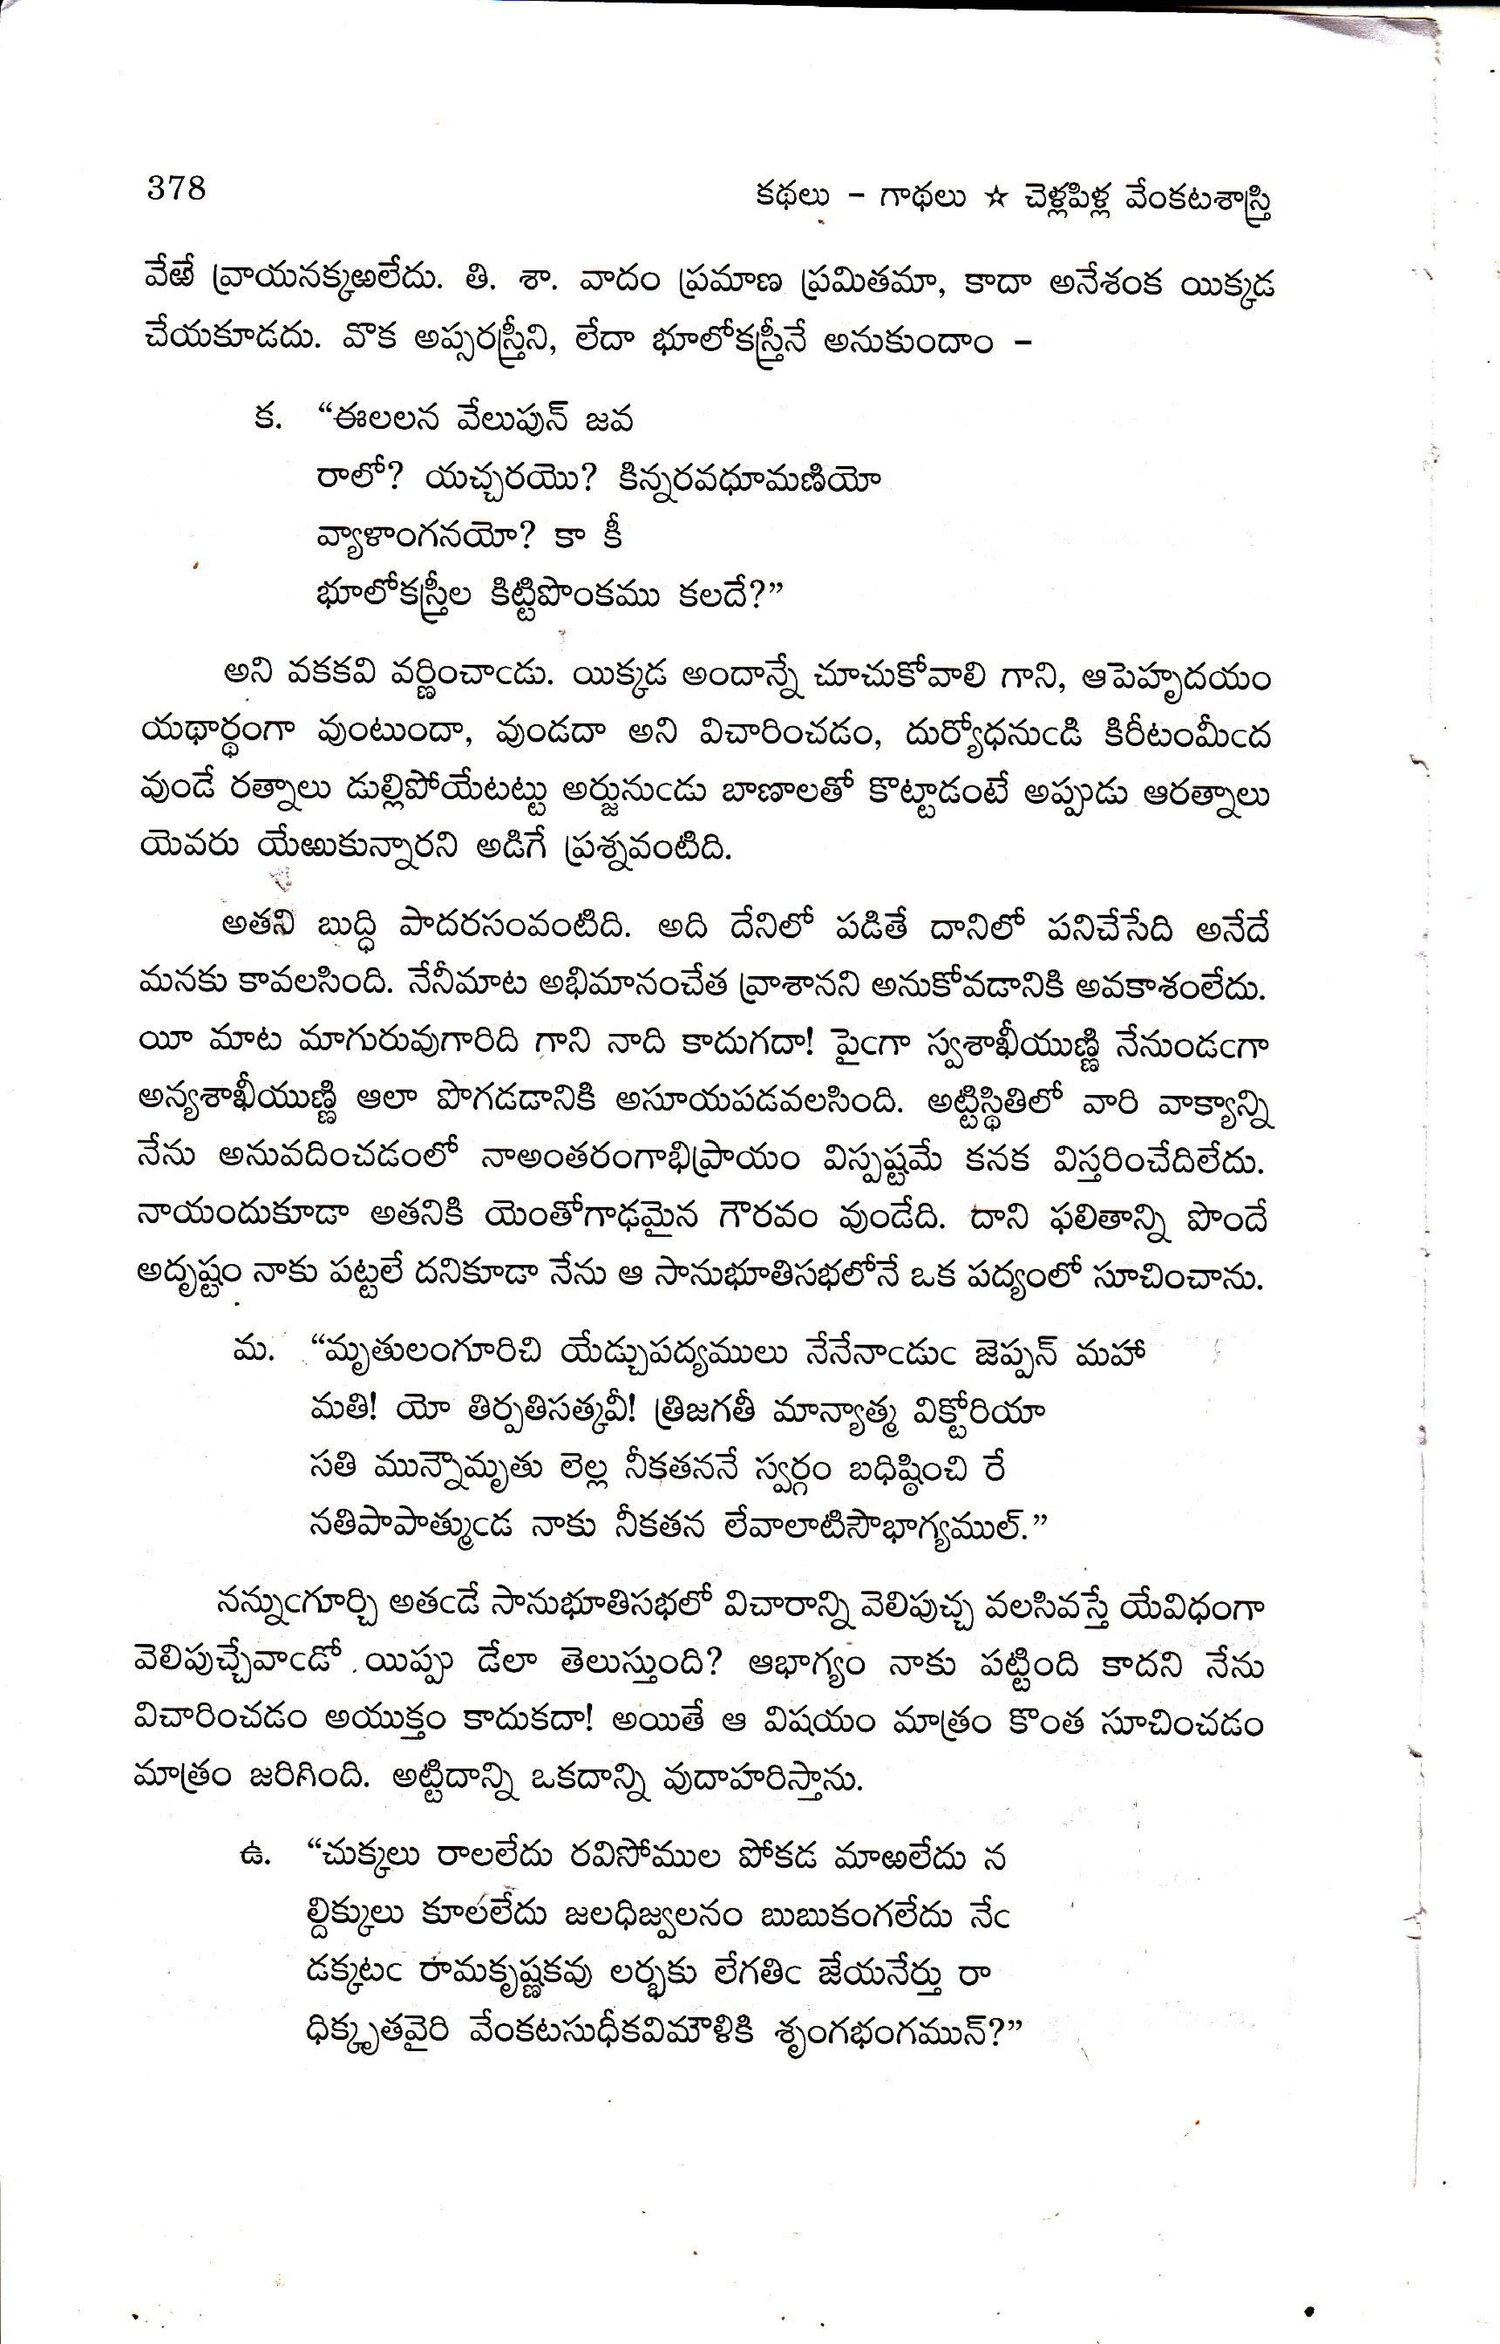వేఱే వ్రాయనక్కఱలేదు. తి. శా. వాదం ప్రమాణ ప్రమితమా, కాదా అనేశంక యిక్కడ చేయకూడదు. వొక అప్సరస్త్రీని, లేదా భూలోకస్త్రీనే అనుకుందాం -

క. “ఈలలన వేలుపున్ జవ
 రాలో? యచ్చరయెు? కిన్నరవధూమణియో 
 వ్యాళాంగనయో? కా కీ 
 భూలోకస్త్రీల కిట్టిపొంకము కలదే?”
అని వకకవి వర్ణించాండు. యిక్కడ అందాన్నే చూచుకోవాలి గాని, ఆపెహృదయం యథార్థంగా వుంటుందా, వుండదా అని విచారించడం, దుర్యోధనుఁడి కిరీటంమీఁద వుండే రత్నాలు డుల్లిపోయేటట్టు అర్జునుఁడు బాణాలతో కొట్టాడంటే అప్పుడు ఆరత్నాలు యెవరు యేఱుకున్నారని అడిగే ప్రశ్నవంటిది.

అతని బుద్ది పాదరసంవంటిది. అది దేనిలో పడితే దానిలో పనిచేసేది అనేదే మనకు కావలసింది. నేనీమాట అభిమానంచేత వ్రాశానని అనుకోవడానికి అవకాశంలేదు. యీ మాట మాగురువుగారిది గాని నాది కాదుగదా! పైఁగా స్వశాఖీయుణ్ణి నేనుండఁగా అన్యశాఖీయుణ్ణి ఆలా పొగడడానికి అసూయపడవలసింది. అట్టిస్థితిలో వారి వాక్యాన్ని నేను అనువదించడంలో నాఅంతరంగాభిప్రాయం విస్పష్టమే కనక విస్తరించేదిలేదు. నాయందుకూడా అతనికి యెంతోగాఢమైన గౌరవం వుండేది. దాని ఫలితాన్ని పొందే అదృష్టం నాకు పట్టలే దనికూడా నేను ఆ సానుభూతిసభలోనే ఒక పద్యంలో సూచించాను.

మ. "మృతులంగూరిచి యేడ్చుపద్యములు నేనేనాఁడుఁ జెప్పన్ మహా
 మతి! యో తిర్పతిసత్కవీ! త్రిజగతీ మాన్యాత్మ విక్టోరియా 
 సతి మున్నౌమృతు లెల్ల నీకతననే స్వర్గం బధిష్టించి రే 
 నతిపాపాత్ముఁడ నాకు నీకతన లేవాలాటిసౌభాగ్యముల్."
నన్నుఁగూర్చి అతఁడే సానుభూతిసభలో విచారాన్ని వెలిపుచ్చ వలసివస్తే యేవిధంగా వెలిపుచ్చేవాఁడో . యిప్ప డేలా తెలుస్తుంది? ఆభాగ్యం నాకు పట్టింది కాదని నేను విచారించడం అయుక్తం కాదుకదా! అయితే ఆ విషయం మాత్రం కొంత సూచించడం మాత్రం జరిగింది. అట్టిదాన్ని ఒకదాన్ని వుదాహరిస్తాను.

ఉ. “చుక్కలు రాలలేదు రవిసోముల పోకడ మాఱలేదు న 
 ల్దిక్కులు కూలలేదు జలధిజ్వలనం బుబుకంగలేదు నేఁ 
 డక్కట రామకృష్ణకవు లర్భకు లేగతిఁ జేయనేర్తు రా 
 ధిక్కృతవైరి వేంకటసుధీకవిమౌళికి శృంగభంగమున్?”